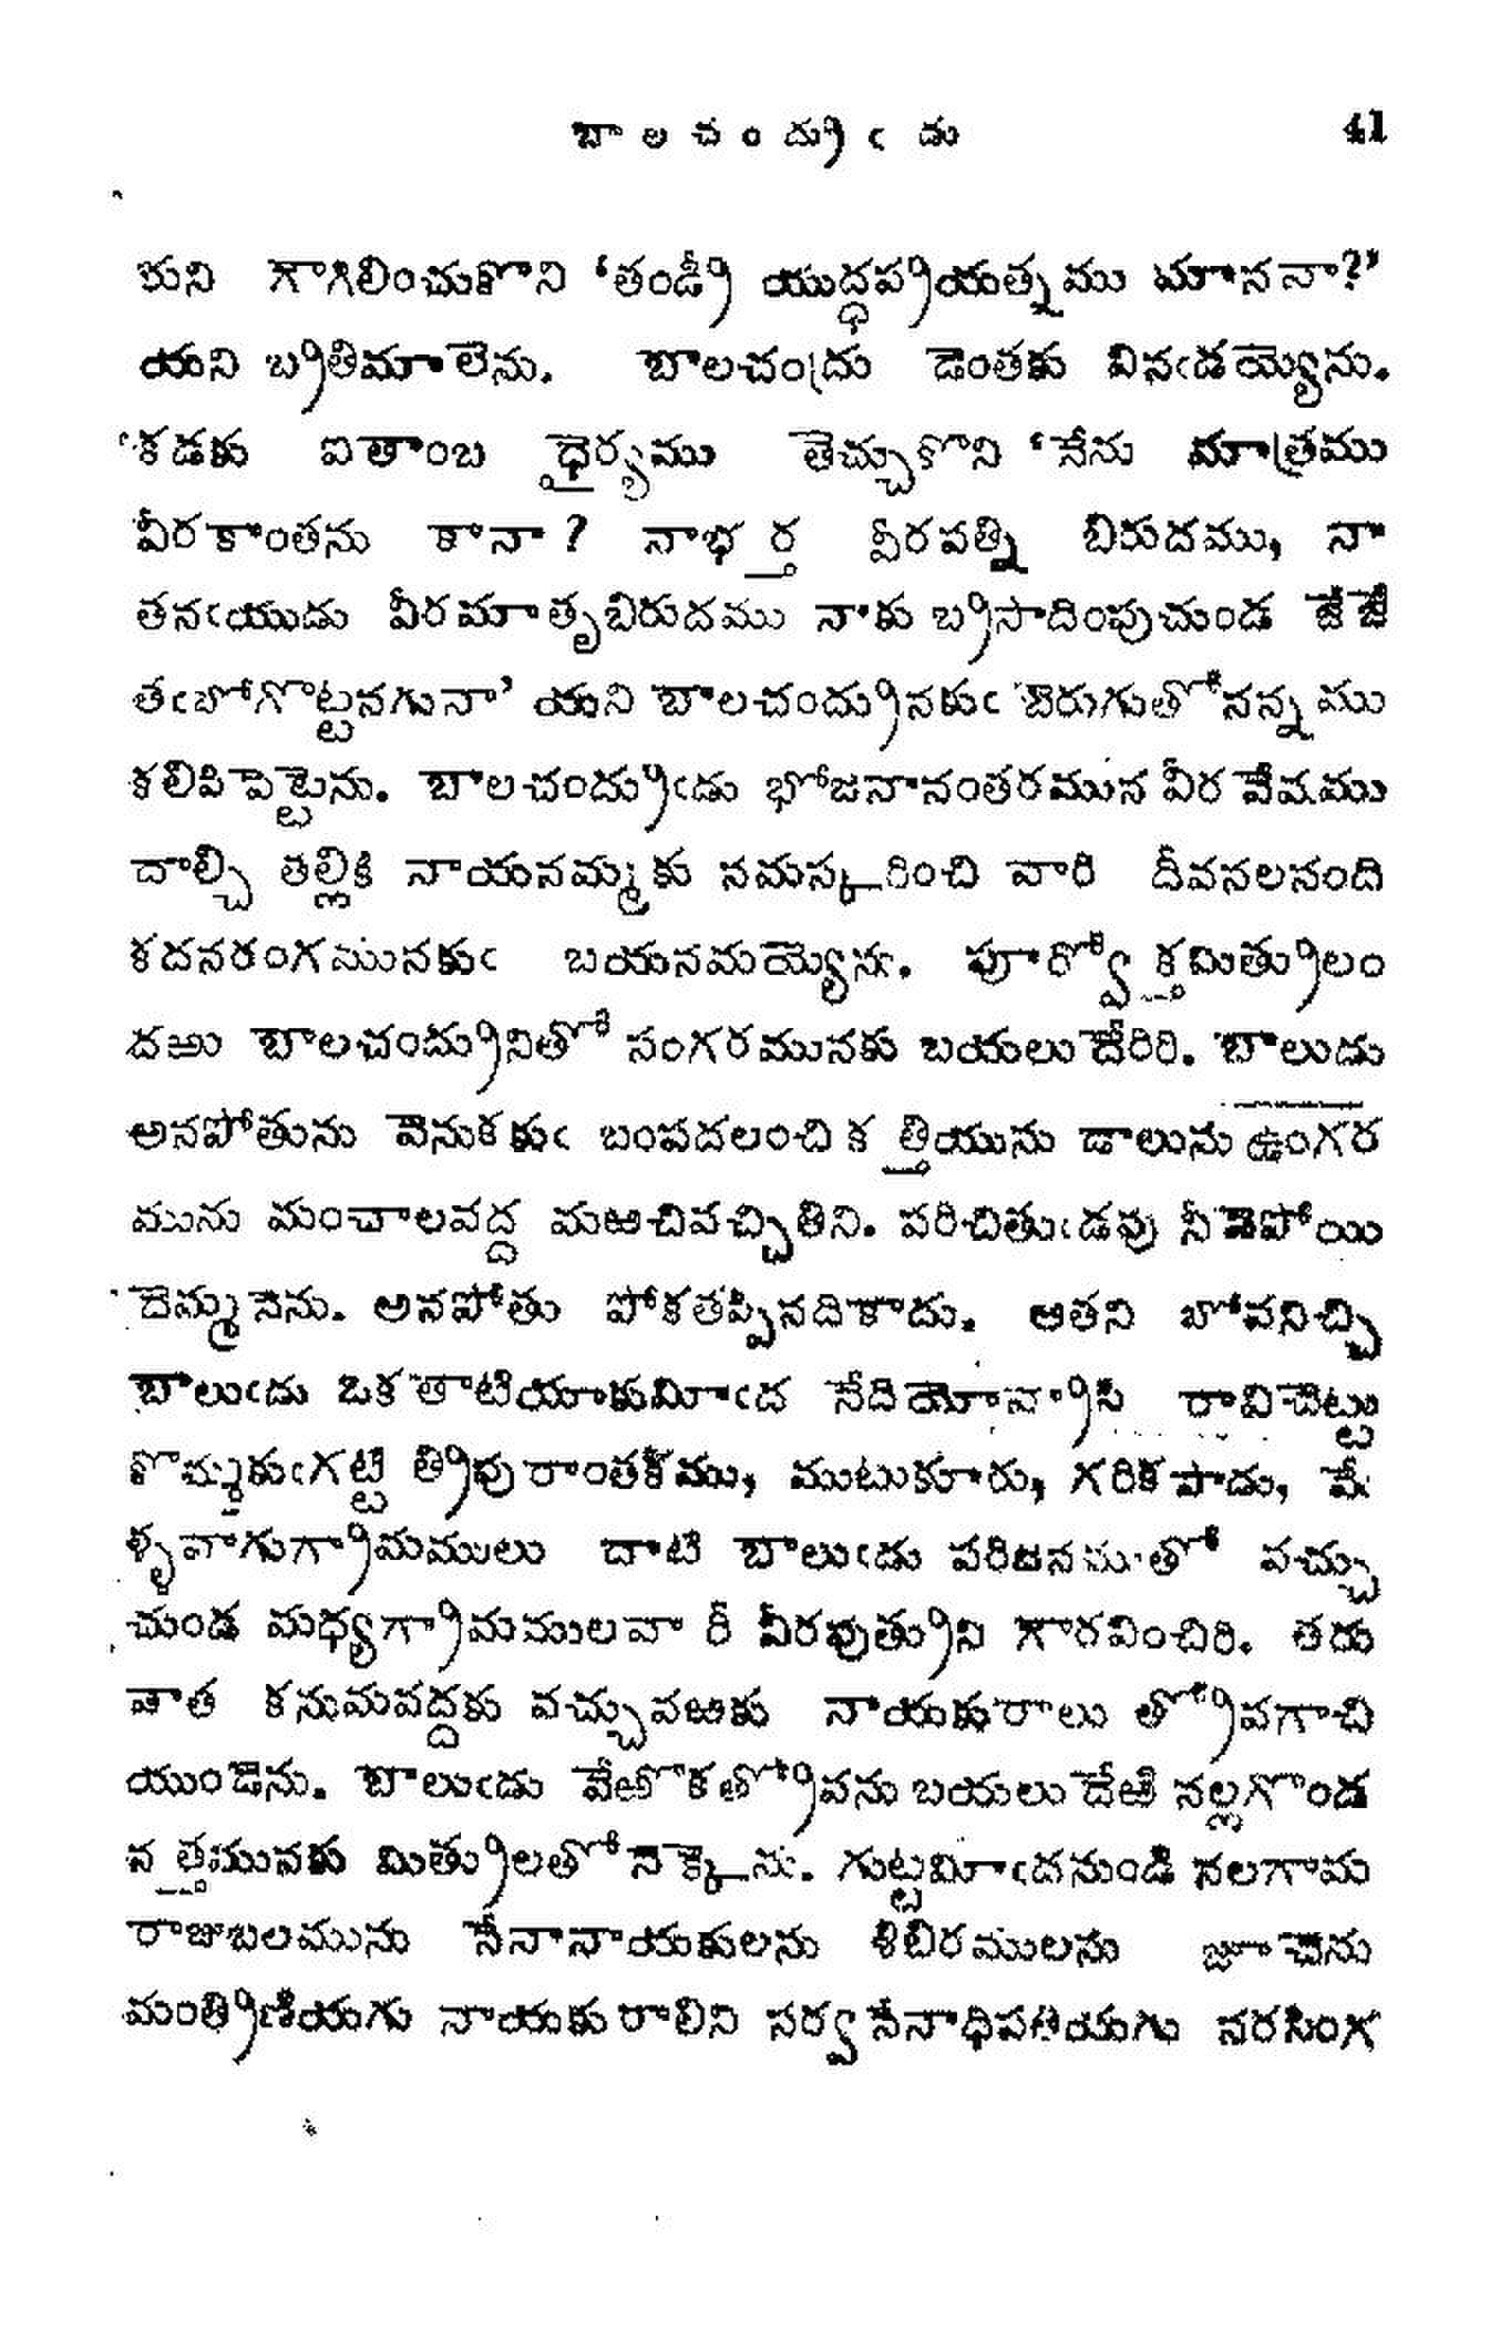రుని గౌగిలించుకొని 'తండ్రీ యుద్ధప్రయత్నము మానవా?' యని బ్రతిమాలెను. బాలచంద్రు డెంతకు వినడయ్యెను. కడకు ఐతాంబ ధైర్యము తెచ్చుకొని 'నేను మాత్రము వీరకాంతను కానా? నాభర్త వీరపత్ని బిరుదము, నా తనయుడు వీరమాతృబిరుదము నాకు బ్రసాదింపుచుండ జేజేత బోగొట్టనగునా' యని బాలచంద్రునకు బెరుగుతో నన్నము కలిపిపెట్టెను. బాలచంద్రుడు భోజనానంతరమున వీరవేషము దాల్చి తల్లికి నాయనమ్మకు నమస్కరించి వారి దీవనలనంది కదనరంగమునకు బయనమయ్యెను. పూర్వోక్తమిత్రులందఱు బాలచంద్రునితో సంగరమునకు బయలుదేరిరి. బాలుడు అనపోతును వెనుకకు బంపదలంచి కత్తియును డాలును ఉంగరమును మంచాలవద్ద మఱచివచ్చితిని. పరిచితుడవు నీవెపోయి దెమ్మనెను. అనపోతు పోకతప్పినదికాదు. అతని బోవనిచ్చి బాలుడు ఒకతాటియాకుమీద నేదియోవ్రాసి రావిచెట్టు కొమ్మకుగట్టి త్రిపురాంతకము, ముటుకూరు, గరికపాడు, మేళ్ళవాగుగ్రామములు దాటి బాలుడు పరిజనముతో వచ్చుచుండ మధ్యగ్రామములవా రీ వీరపుత్రుని గౌరవించిరి. తరువాత కనుమవద్దకు వచ్చువఱకు నాయకురాలు త్రోవగాచియుండెను. బాలుడు వేఱొకత్రోవను బయలు దేఱి నల్లగొండ నత్తమువకు మిత్రులతో నెక్కెను. గుట్టమీదనుండి నలగామ రాజుబలమును సేనానాయకులను శిబిరములను జూచెను. మంత్రిణియగు నాయకురాలిని సర్వసేనాధిపతియగు నరసింగ